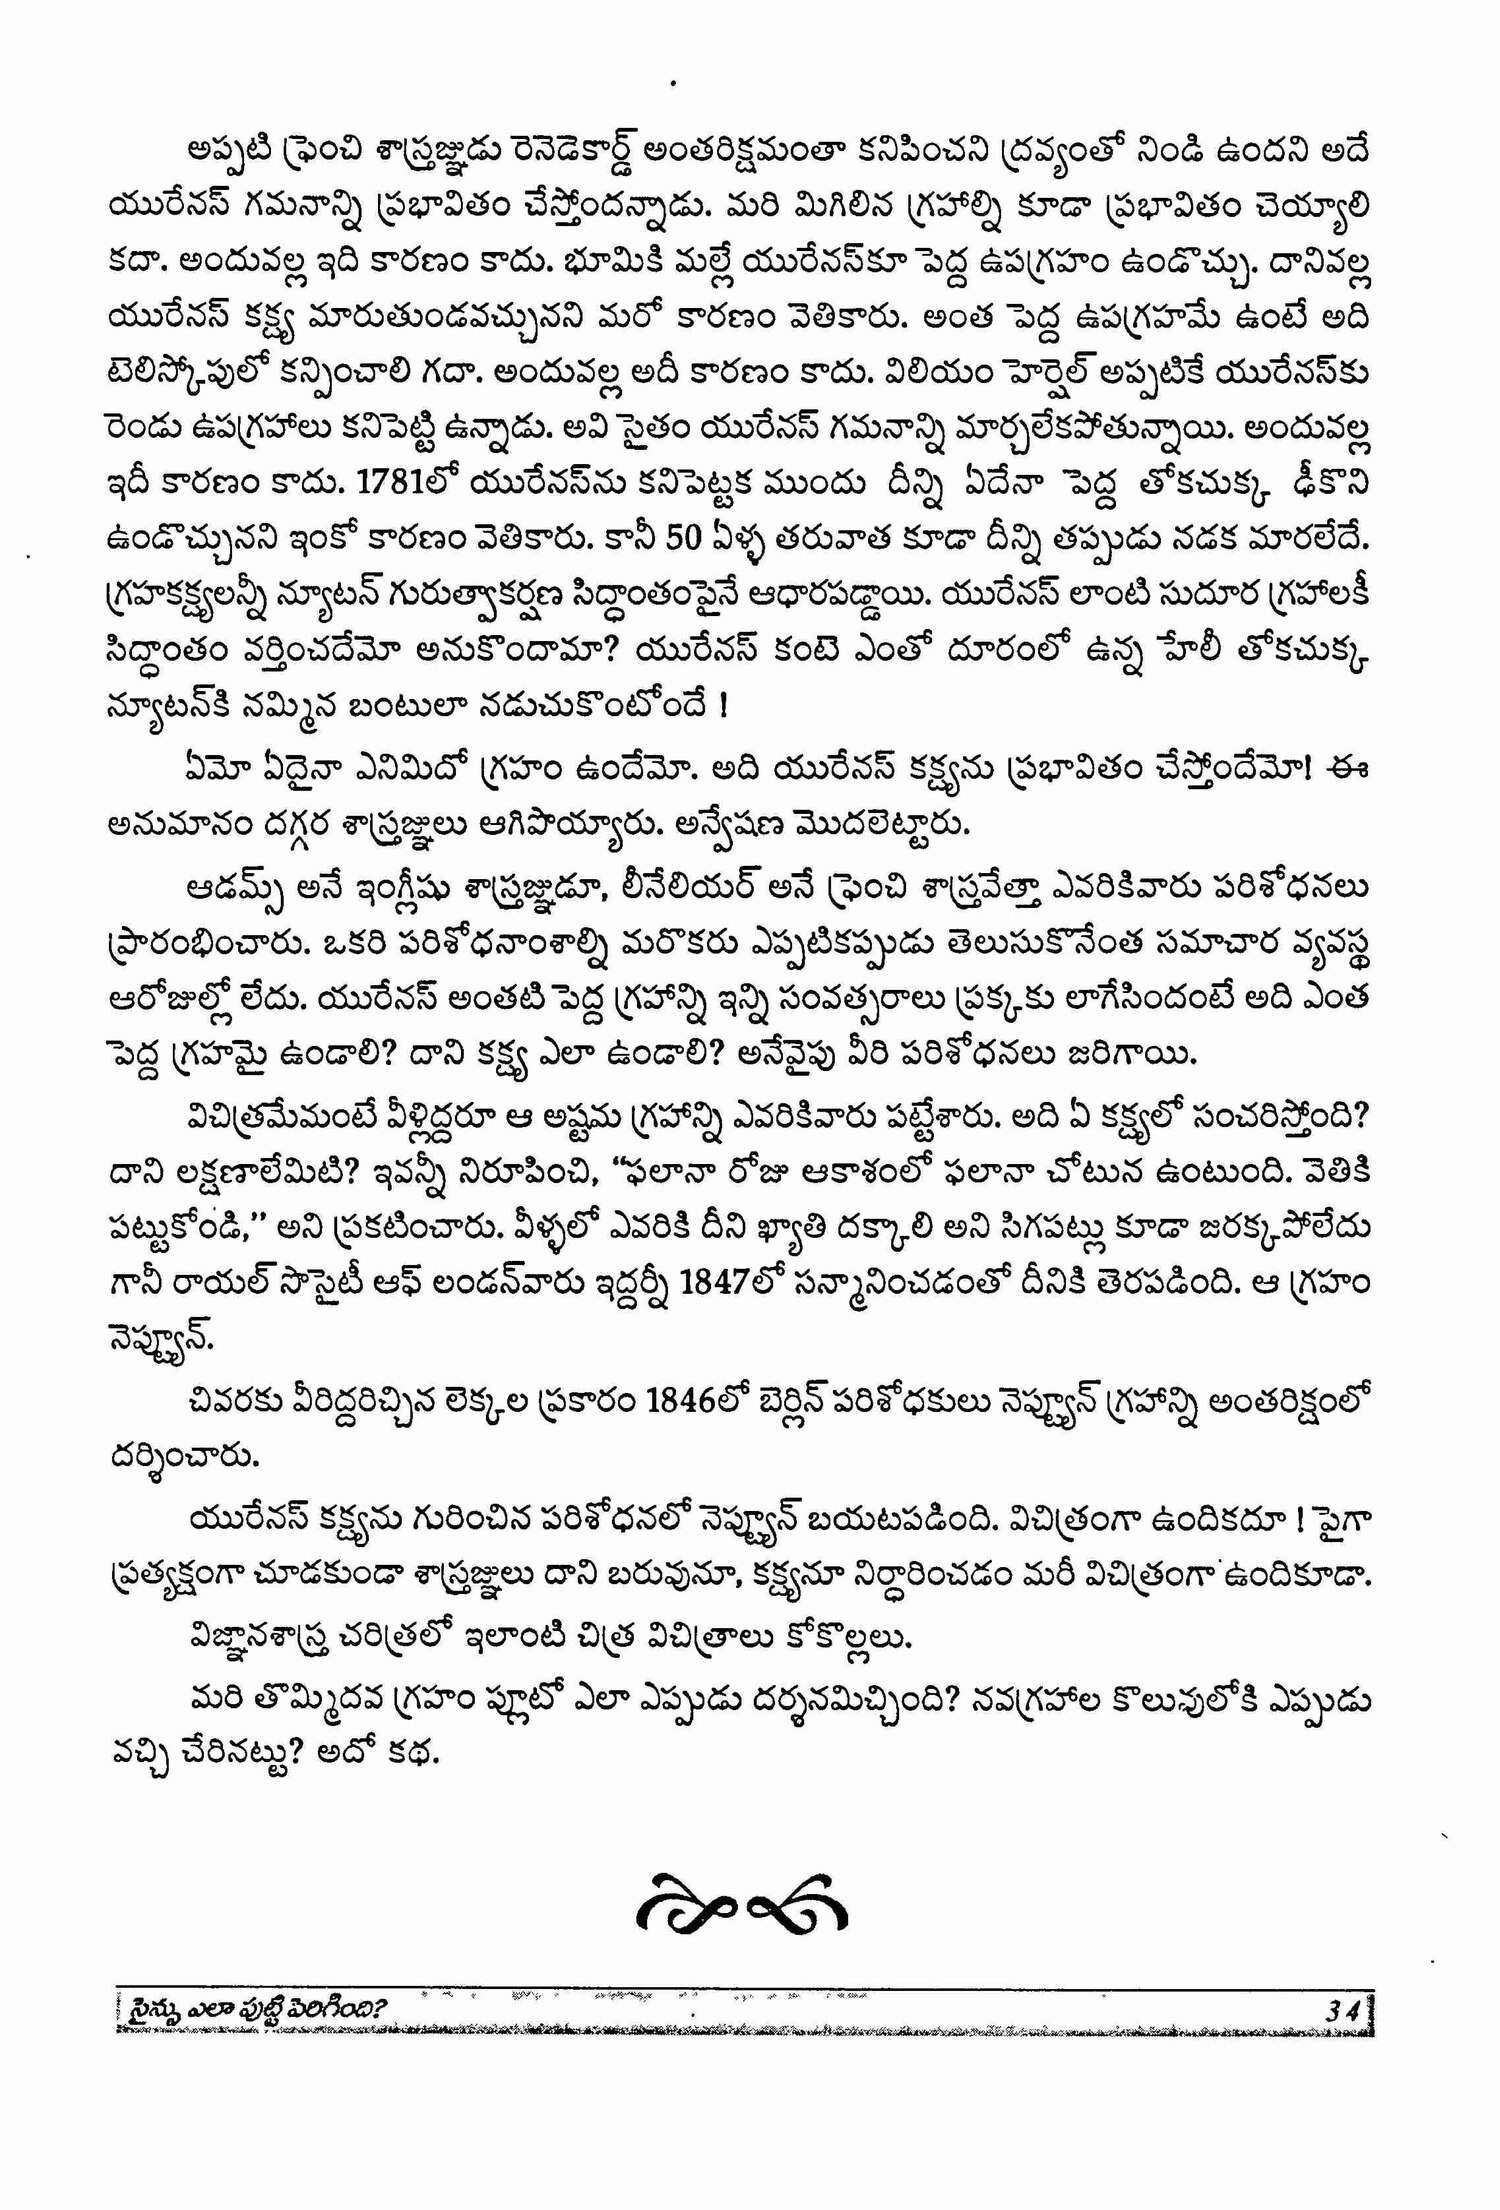అప్పటి ఫ్రెంచి శాస్త్రజ్ఞుడు రెనెడెకార్డ్ అంతరిక్షమంతా కనిపించని ద్రవ్యంతో నిండి ఉందని అదే యురేనస్ గమనాన్ని ప్రభావితం చేస్తోందన్నాడు. మరి మిగిలిన గ్రహాల్ని కూడా ప్రభావితం చెయ్యాలి కదా. అందువల్ల ఇది కారణం కాదు. భూమికి మల్లే యురేనస్‌కూ పెద్ద ఉపగ్రహం ఉండొచ్చు. దానివల్ల యురేనస్ కక్ష్య మారుతుండవచ్చునని మరో కారణం వెతికారు. అంత పెద్ద ఉపగ్రహమే ఉంటే అది టెలిస్కోపులో కన్పించాలి గదా. అందువల్ల అదీ కారణం కాదు. విలియం హెర్షెల్ అప్పటికే యురేనస్‌కు రెండు ఉపగ్రహాలు కనిపెట్టి ఉన్నాడు. అవి సైతం యురేనస్ గమనాన్ని మార్చలేకపోతున్నాయి. అందువల్ల ఇదీ కారణం కాదు. 1781లో యురేనస్‌ను కనిపెట్టక ముందు దీన్ని ఏదేనా పెద్ద తోకచుక్క ఢీకొని ఉండొచ్చునని ఇంకో కారణం వెతికారు. కానీ 50 ఏళ్ళ తరువాత కూడా దీన్ని తప్పుడు నడక మారలేదే. గ్రహకక్ష్యలన్నీ న్యూటన్ గురుత్వాకర్షణ సిద్ధాంతంపైనే ఆధారపడ్డాయి. యురేనస్ లాంటి సుదూర గ్రహాలకీ
సిద్ధాంతం వర్తించదేమో అనుకొందామా? యురేనస్ కంటె ఎంతో దూరంలో ఉన్న హేలీ తోకచుక్క న్యూటన్‌కి నమ్మిన బంటులా నడుచుకొంటోందే !

ఏమో ఏదైనా ఎనిమిదో గ్రహం ఉందేమో. అది యురేనస్ కక్ష్యను ప్రభావితం చేస్తోందేమో! ఈ అనుమానం దగ్గర శాస్త్రజ్ఞులు ఆగిపొయ్యారు. అన్వేషణ మొదలెట్టారు.

ఆడమ్స్ అనే ఇంగ్లీషు శాస్త్రజ్ఞుడూ, లీనేలియర్ అనే ఫ్రెంచి శాస్త్రవేత్త ఎవరికివారు పరిశోధనలు ప్రారంభించారు. ఒకరి పరిశోధనాంశాల్ని మరొకరు ఎప్పటికప్పుడు తెలుసుకొనేంత సమాచార వ్యవస్థ ఆరోజుల్లో లేదు. యురేనస్ అంతటి పెద్ద గ్రహాన్ని ఇన్ని సంవత్సరాలు ప్రక్కకు లాగేసిందంటే అది ఎంత పెద్ద గ్రహమై ఉండాలి? దాని కక్ష్య ఎలా ఉండాలి? అనేవైపు వీరి పరిశోధనలు జరిగాయి.

విచిత్రమేమంటే వీళ్లిద్దరూ ఆ అష్టమ గ్రహాన్ని ఎవరికివారు పట్టేశారు. అది ఏ కక్ష్యలో సంచరిస్తోంది? దాని లక్షణాలేమిటి? ఇవన్నీ నిరూపించి, "ఫలానా రోజు ఆకాశంలో ఫలానా చోటున ఉంటుంది. వెతికి పట్టుకోండి,” అని ప్రకటించారు. వీళ్ళలో ఎవరికి దీని ఖ్యాతి దక్కాలి అని సిగపట్లు కూడా జరక్కపోలేదు గానీ రాయల్ సొసైటీ ఆఫ్ లండన్‌వారు ఇద్దర్నీ 1847లో సన్మానించడంతో దీనికి తెరపడింది. ఆ గ్రహం నెప్ట్యూన్.

చివరకు వీరిద్దరిచ్చిన లెక్కల ప్రకారం 1846లో బెర్లిన్ పరిశోధకులు నెప్ట్యూన్ గ్రహాన్ని అంతరిక్షంలో దర్శించారు.

యురేనస్ కక్ష్యను గురించిన పరిశోధనలో నెప్ట్యూన్ బయటపడింది. విచిత్రంగా ఉందికదూ ! పైగా ప్రత్యక్షంగా చూడకుండా శాస్త్రజ్ఞులు దాని బరువునూ, కక్ష్యనూ నిర్ధారించడం మరీ విచిత్రంగా ఉందికూడా.

విజ్ఞానశాస్త్ర చరిత్రలో ఇలాంటి చిత్ర విచిత్రాలు కోకొల్లలు.

మరి తొమ్మిదవ గ్రహం ప్లూటో ఎలా ఎప్పుడు దర్శనమిచ్చింది? నవగ్రహాల కొలువులోకి ఎప్పుడు వచ్చి చేరినట్టు? అదో కథ.